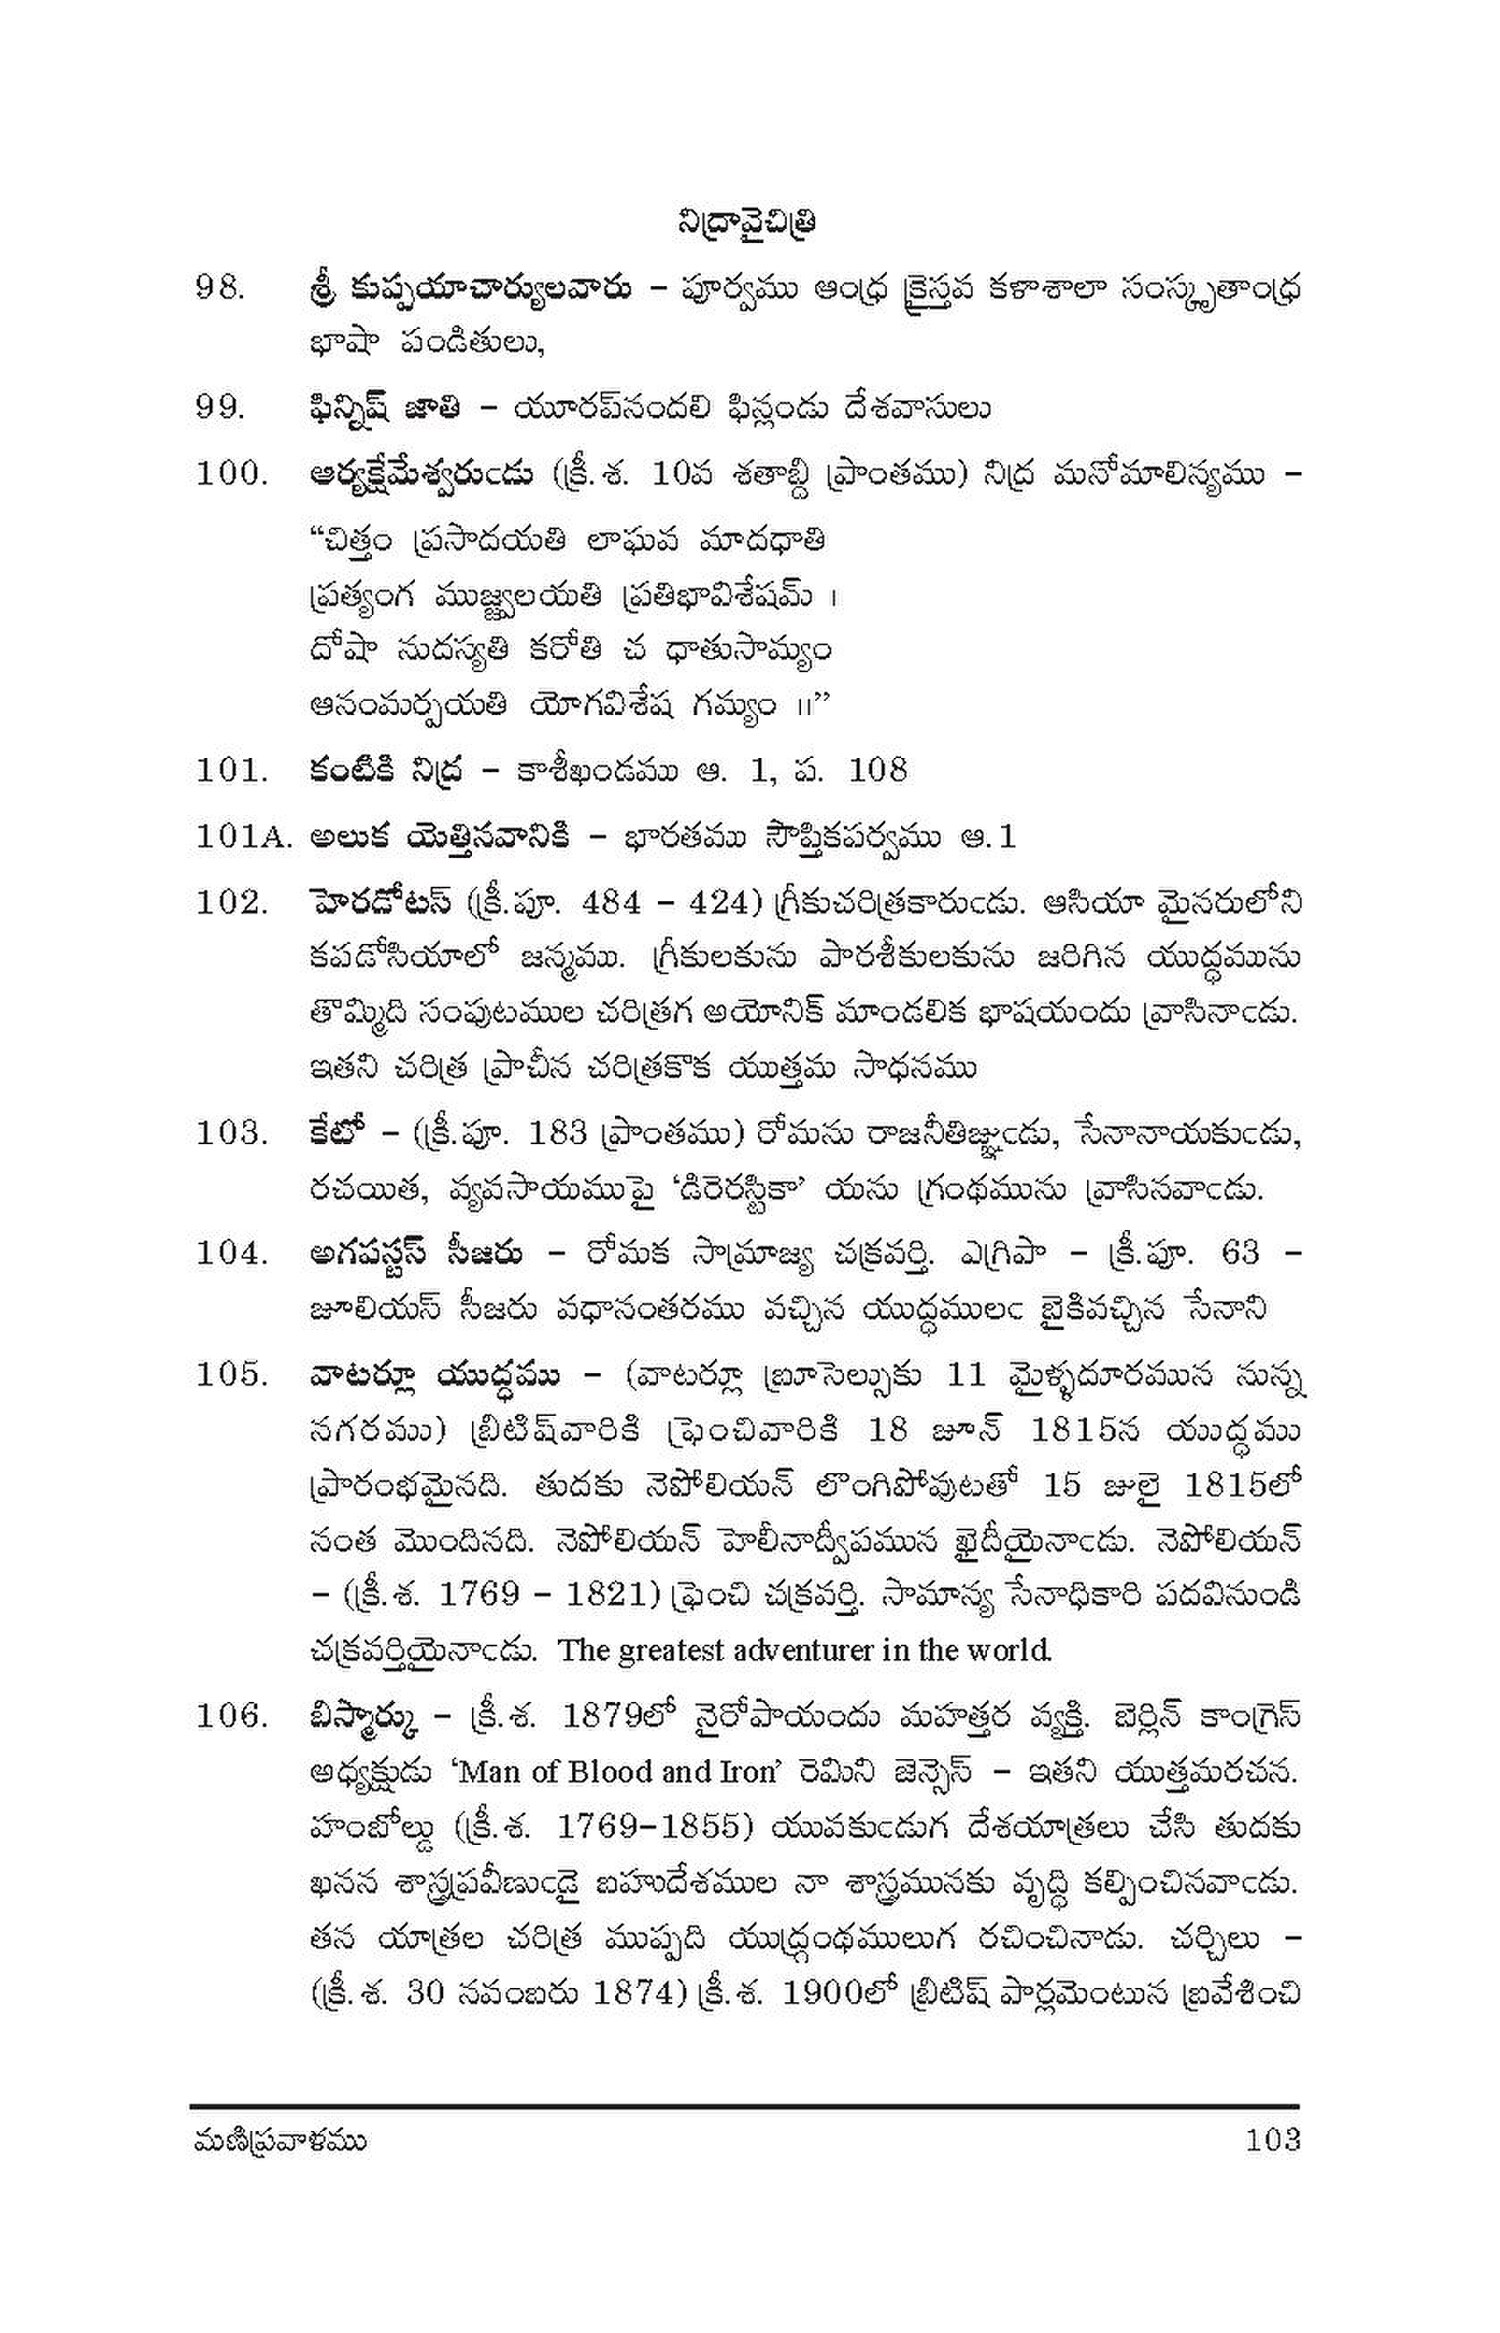98. శ్రీ కుప్పయాచార్యులవారు - పూర్వము ఆంధ్ర క్రైస్తవ కళాశాలా సంస్కృతాంధ్ర
భాషా పండితులు,

99. ఫిన్నిష్ జాతి - యూరప్ నందలి ఫిన్లాండు దేశవాసులు

100. ఆర్యక్షేమేశ్వరుఁడు (క్రీ.శ. 10వ శతాబ్ది ప్రాంతము) నిద్ర మనోమాలిన్యము -

"చిత్తం ప్రసాదయతీ లాఘవ మాదధాతి
ప్రత్యంగ ముజ్జ్వలయతి ప్రతిభావిశేషమ్ |
దోషా నుదస్యతి కరోతి చ ధాతుసామ్యం
ఆనంమర్పయతీ యోగవిశేష గమ్యం ॥

101. కంటికి నిద్ర - కాశీఖండము ఆ. 1, ప. 108
-
101A. అలుక యెత్తినవానికి - భారతము సౌప్తికపర్వము ఆ.1

102. హెరడోటస్ -(క్రీ.పూ. 484 - 424) గ్రీకు చరిత్రకారుఁడు. ఆసియా మైనరులోని
కపడోసియాలో జన్మము. గ్రీకులకును పారశీకులకును జరిగిన యుద్ధమును
తొమ్మిది సంపుటముల చరిత్రగ అయోనిక్ మాండలిక భాషయందు వ్రాసినాఁడు.
ఇతని చరిత్ర ప్రాచీన చరిత్రకొక యుత్తమ సాధనము

103. కేటో - (క్రీ.పూ. 183 ప్రాంతము) రోమను రాజనీతిజ్ఞుఁడు, సేనానాయకుఁడు,
రచయిత, వ్యవసాయముపై 'డిరెరెస్టికా' యను గ్రంథమును వ్రాసినవాఁడు.

104. అగస్టస్ సీజరు - రోమక సామ్రాజ్య చక్రవర్తి. ఎగ్రిపా - క్రీ.పూ. 63 -
జూలియస్ సీజరు వధానంతరము వచ్చిన యుద్ధములఁ బైకివచ్చిన సేనాని

105. వాటర్లూ యుద్ధము - (వాటర్లూ బ్రూసెల్సుకు 11 మైళ్ళదూరమున నున్న
నగరము) బ్రిటిష్వారికి ఫ్రెంచివారికి 18 జూన్ 1815న యుద్ధము
ప్రారంభమైనది. తుదకు నెపోలియన్ లొంగిపోవుటతో 15 జులై 1815లో
నంత మొందినది. నెపోలియన్ హెలీనాద్వీపమున ఖైదీయైనాఁడు. నెపోలియన్
- (క్రీ.శ. 1769 - 1821) ఫ్రెంచి చక్రవర్తి. సామాన్య సేనాధికారి పదవినుండి
చక్రవర్తియైనాఁడు. The greatest adventurer in the world.

106. బిస్మార్కు - క్రీ.శ. 1879లో నైరోపాయందు మహత్తర వ్యక్తి. బెర్లిన్ కాంగ్రెస్
అధ్యక్షుడు 'Man of Blood and Iron' రెమిని జెన్సెస్ - ఇతని యుత్తమరచన.
హంబోర్డు (క్రీ.శ. 1769-1855) యువకుఁడుగ దేశయాత్రలు చేసి తుదకు
ఖనన శాస్త్రప్రవీణుఁడై బహుదేశముల నా శాస్త్రమునకు వృద్ధి కల్పించినవాఁడు.
తన యాత్రల చరిత్ర ముప్పది యుద్ధంథములుగ రచించినాడు. చర్చిలు
(క్రీ.శ. 30 నవంబరు 1874) క్రీ.శ. 1900లో బ్రిటిష్ పార్లమెంటున బ్రవేశించి